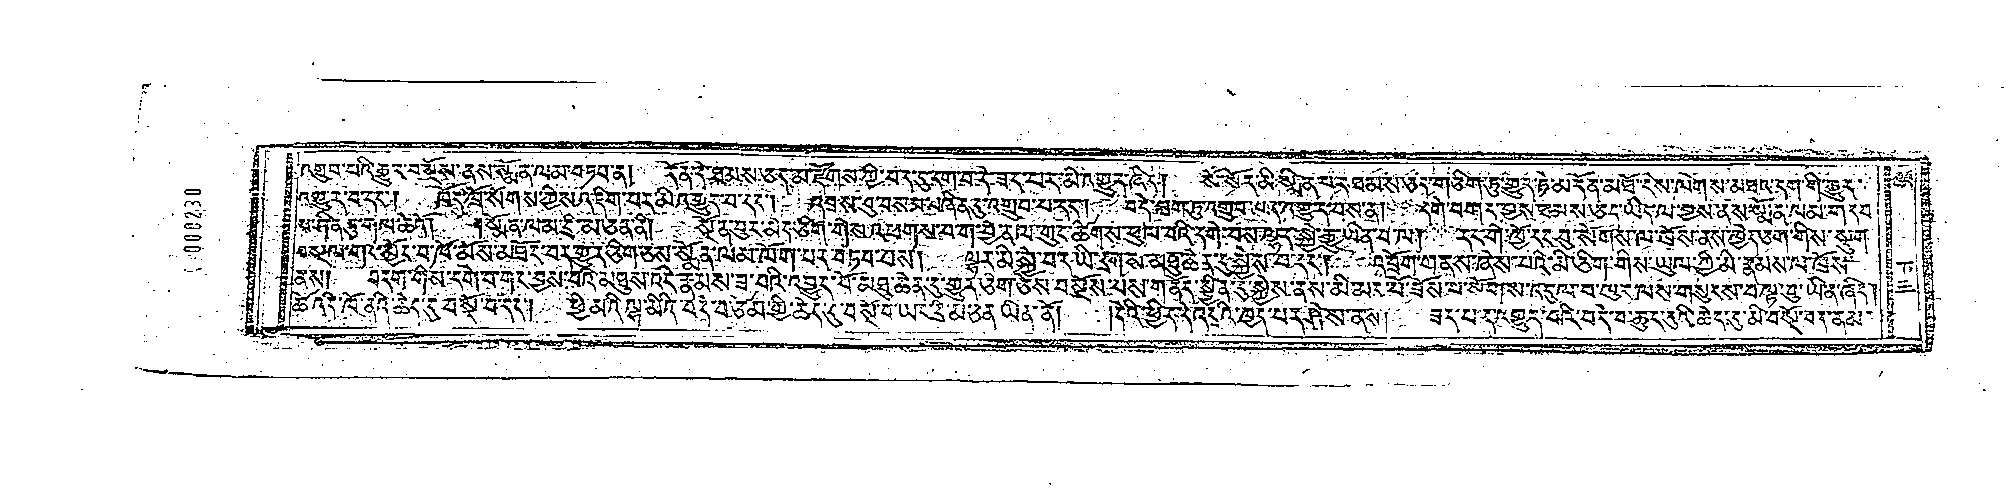འགྲུབ་པའི་རྒྱུར་བསྡོས་ནས་སྨོན་ལམ་བཏབ་ན། དོན་དེ་ཐམས་ཅད་མ་རྫོགས་ཀྱི་བར་དུ་དག་བ་དེ་ཟད་པར་མི་འགྱུར་ཞིང་། སོ་སོར་མི་སྨིན་པར་ཐམས་ཅད་གཅིག་ཏུ་གྱུར་ཏེ་མདོན་མཐོ་ངེས་ལེགས་མཐའ་དག་གི་རྒྱུད་
འགྱུར་བ་དང་། ཁོང་ཁྲོ་སོགས་ཀྱིས་འཇིག་པར་མི་འགྱུར་བ་དང་། འབྲས་བུ་བསམ་བཞིན་དུ་འགྲུབ་པ་དང་། བདེ་བླག་ཏུ་འགྲུབ་པར་འགྱུར་བས་ན། དགེ་བ་གང་བྱས་ཐམས་ཅད་ཡིད་ལ་བྱས་ནས་སྨོན་ལམ་གདབ་
པ་ཤིན་ཏུ་གལ་ཆེའོ། །སྨོན་ལམ་དྲི་མ་ཅན་ནི། སྔོན་བུང་མེད་ཅིག་གིས་འཕགས་པ་ག་བྱིན་ལ་གུང་ཚིགས་ཕུལ་བའི་དགེ་བས་ལྟར་སྐྱེ་རྒྱུ་ཡིན་པ་ལ། རང་གི་ཁྱོ་དང་བུ་སོགས་ལ་ཁྲོས་ནས་ཁྱེད་ཅག་གིས་སྡུག་
བསྔལ་གང་མྱོང་བ་ཁོ་མོས་མཐོང་བར་གྱུར་ཅིག་ཅེས་སྨོན་ལམ་ལོག་པར་བཏབ་པས། ལྷར་མི་སྐྱེ་བར་ཡི་དགས་མཐུ་ཆེན་དུ་སྐྱེས་པ་དང་། འབྲོག་གནས་ཞེས་པའི་མི་ཅིག་གིས་ཡུལ་ཀྱི་མི་རྣམས་ལ་ཁྲོས་
ནས། བདག་གིས་དགེ་བ་གང་བྱས་པའི་མཐུས་འདི་རྣམས་ཟ་བའི་འབྱུང་བོ་མཐེ་ཆེན་དུ་གྱུར་ཅིག་ཅེས་བསྔོ་པས་གནོད་སྦྱིན་དུ་སྐྱེས་ནས་མི་མང་པོ་ཟོས་པ་སོགས་འདུལ་བ་ལུང་ལས་གསུངས་བ་ལྟ་བུ་ཡིན་ཞིང་།
ཚེ་འདི་ཁོ་ནའི་ཆེད་དུ་བསྔོ་བ་དང་། ཕྱི་མའི་ལྷ་མིའི་བདེ་བ་ཙམ་གྱི་ཆེད་དུ་བསྔོ་བ་ཡང་དྲི་མ་ཅན་ཡིན་ནོ། །དེའི་ཕྱིར་དེ་འདྲའི་ཁྱད་པར་ཤེས་ནས། ཟད་པར་འགྱུར་བའི་བདེ་པ་ཆུང་དུའི་ཆེད་དུ་མི་བསྔོ་བར་ནམ་